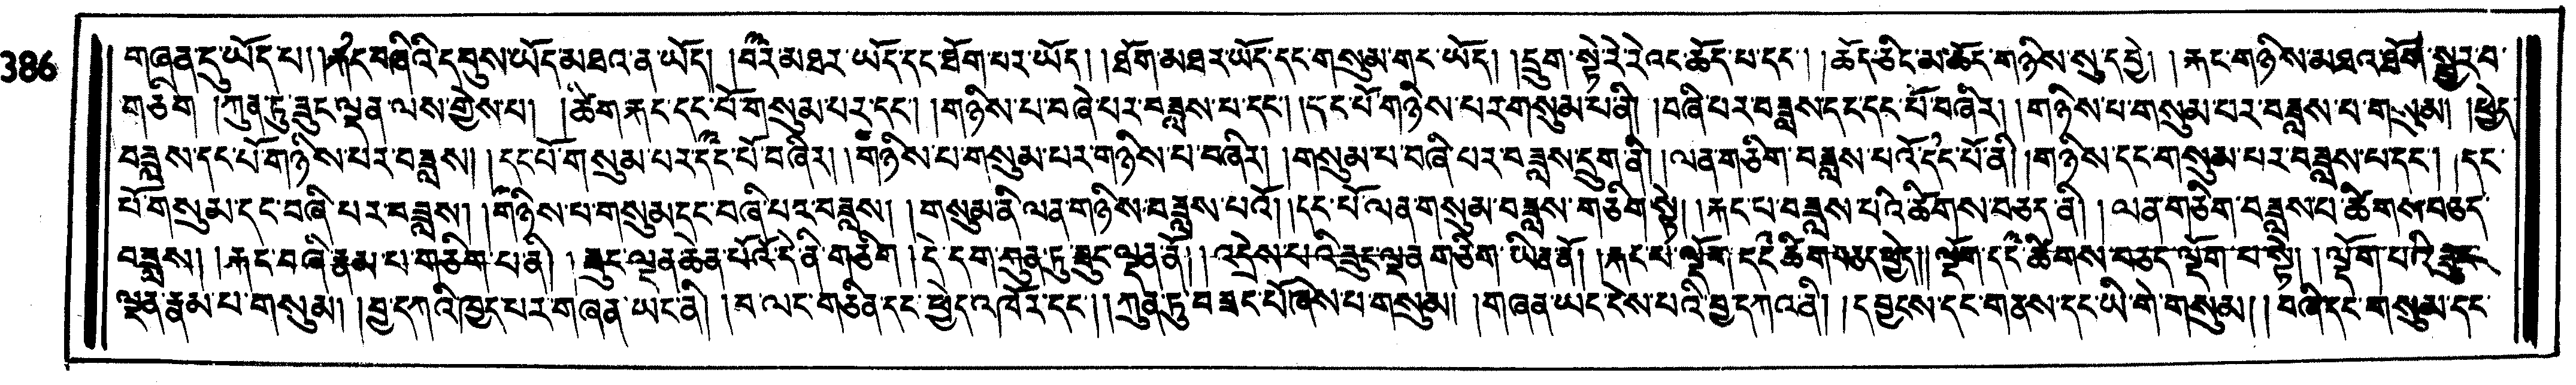གཞན་དུ་ཡོད་པ། །༡་རྐང་བཞིའི་དབུས་ཡོད་མཐའ་ན་ཡོད། །༣་བར་མཐར་ཡོད་དང་ཐོག་པར་ཡོད། །ཐོག་མཐར་ཡོད་དང་གསུམ་གང་ཡོད། །དྲུག་སྟེ་རེ་རེའང་ཆོད་པ་དང་། །ཆོད་ཅིང་མ་ཆོད་གཉིས་སུ་དབྱེ། །རྐང་གཉིས་མཐའ་ཐོག་སྦྱར་བ་
གཅིག །ཀུན་ཏུ་ཟུང་ལྡན་ལས་གྱེས་པ། །ཚིག་རྐང་དང་པོ་གསུམ་པར་དང་། །གཉིས་པ་བཞེ་པར་བཟླས་པ་དང་། །དང་པོ་གཉིས་པར་གསུམ་པ་ནི། །བཞི་པར་བཟླས་དང་དང་པོ་བཞིར། །གཉིས་པ་གསུམ་པར་བཟླས་པ་གསུམ། །ཕྱེད་
བཟླས་དང་པོ་གཉིས་པར་བཟླས། །དང་པོ་གསུམ་པར ༣་དང་པོ་བཞིར། །༤་གཉིས་པ་གསུམ་པར་གཉིས་པ་བཞིར། །གསུམ་པ་བཞི་པར་བཟླས་དྲུག་ནི། །ལན་གཅིག་བཟླས་པའོ ༡་དང་པོ་ནི། །གཉིས་དང་གསུམ་པར་བཟླས་པ་དང་། །དང་
པོ་གསུམ་དང་བཞི་པར་བཟླས། །༢་གཉིས་པ་གསུམ་དང་བཞི་པར་བཟླས། །གསུམ་ནི་ལན་གཉིས་བཟླས་པའོ། །དང་པོ་ལན་གསུམ་བཟླས་གཅིག་སྟེ། །རྐང་པ་བཟླས་པའི་ཚིགས་བཅད་ནི། །ལན་གཅིག་བཟླས་པ་ཚིགས་བཅད་
བཟླས། །རྐང་བཞི་རྣམ་པ་གཅིག་པ་ནི། །ཟུང་ལྡན་ཆེན་པོའོ་དེ་ནི་གཅིག །དེ་དག་ཀུན་ཏུ་ཟུང་ལྡན་ནོ། །འདྲེས་པའི་ཟུང་ལྡན་གཅིག་ཡིན་ནོ། །རྐང་པ་ལྡོག ༡་དང་ཚིག་བཅད་ཕྱེད། །ལྡོག་དང ༣་ཚིགས་བཅད་ལྡོག་པ་སྟེ། །ལྡོག་པའི་ཟུང་
ལྡན་རྣམ་པ་གསུམ། །བྱ་དཀའི་ཁྱད་པར་གཞན་ཡང་ནི། །བ་ལང་གཅིན་དང་ཕྱེད་འཁོར་དང་། །ཀུན་ཏུ་བཟང་པོ་ཞེས་པ་གསུམ། །གཞན་ཡང་ངེས་པའི་བྱ་དཀའ་ནི། །དབྱངས་དང་གནས་དང་ཡི་གེ་གསུམ། །བཞི་དང་གསུམ་དང་